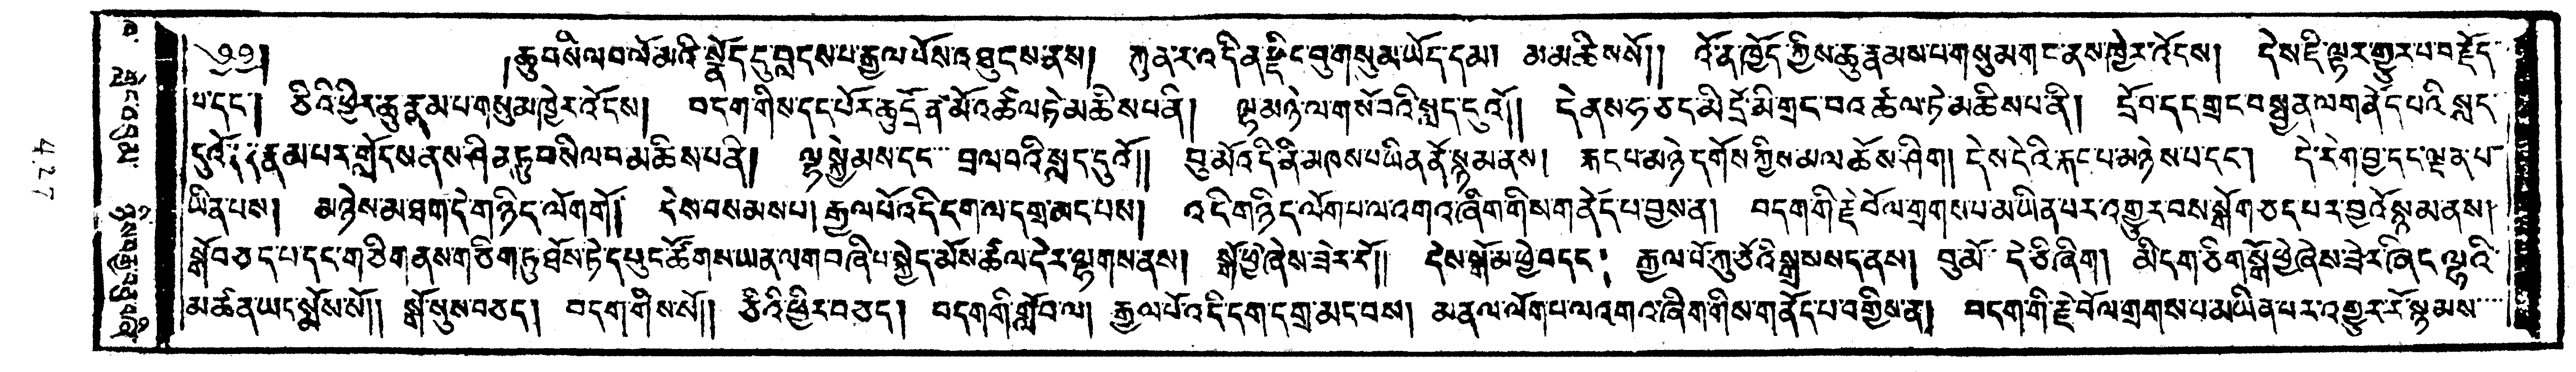༄༅། །ཆུབ་སིལ་བ་ལོ་མའི་སྣོད་དུ་བླངས་པ་རྒྱལ་པོས་འཐུངས་ནས། ཀུན་ར་འདི་ན་རྫིད་བུ་གསུམ་ཡོད་དམ། མ་མཆིས་སོ།། འོ་ན་ཁྱོད་ཀྱིས་ཆུ་རྣམས་པ་གསུམ་གང་ནས་ཁྱེར་འོངས། དེས་ཇི་ལྟར་གྱུར་པ་བརྗོད་
པ་དང་། ཅིའི་ཕྱིར་ཆུ་རྣམ་པ་གསུམ་ཁྱེར་འོངས། བདག་གིས་དང་པོར་ཆུ་དྲོན་མོ་འཚལ་ཏེ་མཆིས་པ་ནི། ལྷ་མཉེ་ལ་གསོ་བའི་སླད་དུའོ།། དེ་ནས་ཧ་ཅང་མི་དྲོ་མི་གྲང་བ་འཚལ་ཏེ་མཆིས་པ་ནི། དྲོ་བ་དང་གྲང་བ་སྤྱན་ལག་ནོད་པའི་སླད་
དུའོ༑ ༑རྣམ་པར་གློངས་ནས་ཤིན་ཏུ་བསིལ་བ་མཆིས་པ་ནི། ལྷ་སྐྱེམས་དང་བྲལ་བའི་སླད་དུའོ།། བུ་མོ་འདི་ནི་མཁས་པ་ཡིན་ནོ་སྙམ་ནས། རྐང་པ་མཉེ་དགོས་ཀྱིས་མལ་ཆོས་ཤིག། དེས་དེའི་རྐང་པ་མཉེས་པ་དང་། དེ་རེག་བྱ་དང་ལྡན་པ་
ཡིན་པས། མཉེས་མ་ཐག་དེ་གཉིད་ལོག་གོ། དེས་བསམས་པ། རྒྱལ་པོ་འདི་དག་ལ་དགྲ་མང་པས། འདི་གཉིད་ལོག་པ་ལ་འགའ་ཞིག་གིས་གནོད་པ་བྱས་ན། བདག་གི་རྗེ་བོ་ལ་གྲགས་པ་མ་ཡིན་པར་འགྱུར་བས་སྒོ་གཅད་པར་བྱའོ་སྙམ་ནས།
སྒོ་བཅད་པ་དང་གཅིག་ནས་གཅིག་ཏུ་ཐོས་ཏེ་དཔུང་ཚོགས་ཡན་ལག་བཞི་པ་སྐྱེད་མོས་ཚལ་དེར་ལྷགས་ནས། སྒོ་ཕྱེ་ཞེས་ཟེར་རོ།། དེས་སྒོ་མ་ཕྱེ་བ་དང་། རྒྱལ་པོ་ཀུ་ཅོའི་སྒྲས་སད་ནས། བུ་མོ་དེ་ཅི་ཞིག། མི་དག་ཅིག་སྒོ་ཕྱེ་ཞེས་ཟེར་ཞིང་ལྷའི་
མཚན་ཡང་སྨོས་སོ།། སྒོ་སུས་བཅད། བདག་གིས་སོ།། ཅིའི་ཕྱིར་བཅད། བདག་གི་གློ་བ་ལ། རྒྱལ་པོ་འདི་དག་དགྲ་མང་བས། མན་ལ་ལོག་པ་ལ་འགའ་ཞིག་གིས་གནོད་པ་བགྱིས་ན། བདག་གི་རྗེ་བོ་ལ་གྲགས་པ་མ་ཡིན་པར་འགྱུར་རོ་སྙམས་